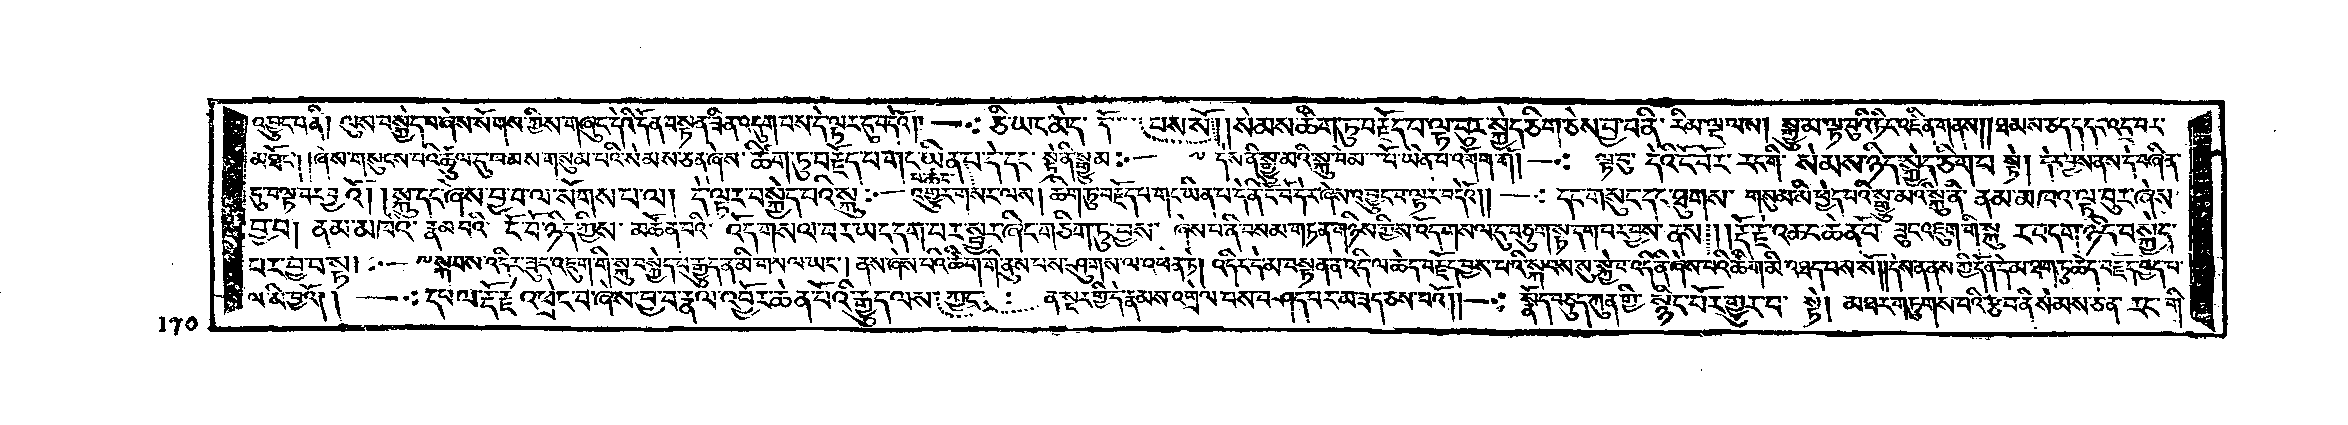འབྱུང་བ་ནི། ལུས་བསྐྱེད་པ་ཞེས་སོགས་ཀྱིས་གཞུང་དེའི་དོན་བསྟན་ཟིན་འདུག་པས་དེ་ལྟར་དུ་བདེའོ།། .H ཅི་ཡང་མེད་དོ་པས་སོ། །སེམས་ཚིག་ཏུ་བརྗོད་པ་ལྟ་བུར་སྐྱེད་ཅིག་ཅེས་བྱ་བ་ནི་རིམ་ལྔ་ལས། སྒྱུ་མ་ལྟ་བུའི་ཏིང་འཛིན་གནས། །ཐམས་ཅད་དེ་དང་འདྲ་བར་
མཐོང་། །ཞེས་གསུངས་པའི་ཚུལ་དུ་ཁམས་གསུམ་པའི་སེམས་ཅན་ཞེས་ཚིག་ཏུ་བརྗོད་པ་གང་ཡིན་པ་དེ་དང་སྟེ་ནི་སྒྱུ་མ་H.་༧དེས་ནི་སྒྱུ་མའི་སྐུ་བེམ་པོ་ཡིན་པ་འགོག་གོ །.H ལྟ་བུ་དེའི་ངོ་བོར་རང་གི་སེམས་ཉིད་སྐྱེད་ཅིག་པ་སྟེ། དེར་བྱས་ནས་དེ་བཞིན་
དུ་བལྟ་བར་བྱའོ། །སྐུ་དང་ཞེས་བྱ་བ་ལ་སོགས་པ་ལ། དེ་ལྟར་བསྐྱེད་པའི་སྐུ་H.་པ་ཚབ་འགྱུར་གསར་ལས། ཚིག་ཏུ་བརྗོད་པ་གང་ཡིན་པ་དེ་ནི་ངོ་བོ་དེར་ཞེས་འབྱུང་བ་ལྟར་བདེའོ།།  .H དང་གསུང་དང་ཐུགས་གསུམ་མི་ཕྱེད་པའི་སྒྱུ་མའི་སྐུ་ནི་ནམ་མཁའ་ལྟ་བུར་ཞེས་
བྱ་བ། ནམ་མཁའི་རྣམ་པའི་ངོ་བོ་ཉིད་ཀྱིས་མཚོན་པའི་འོད་གསལ་བར་ཡང་དག་པར་སྦྱར་ཞིང་གཅིག་ཏུ་བྱས་ཞེས་པ་ནི་བསམ་གཏན་གཉིས་ཀྱིས་འོད་གསལ་དུ་བཅུག་སྟེ་དག་པར་བྱས་ནས། །རྡོ་རྗེ་འཆང་ཆེན་པོ་ཟུང་འཇུག་གི་སྐུར་བདག་ཉིད་བསྐྱེད་
པར་བྱ་བ་སྟེ། H.་༧སྐབས་འདིར་ཟུང་འཇུག་གི་སྐུ་བསྐྱེད་པ་རྒྱུད་ན་མི་གསལ་ཡང་། ནས་ཞེས་པའི་ཚིག་གི་ནུས་པས་ཤུགས་ལ་འཕེན་ཏེ། འདིར་དེ་མ་བསྟན་ན་འདི་ལ་ཆེད་བརྗོད་བྱས་པའི་སྐབས་སུ་སྐྱེ་བ་འདི་ནི་ཞེས་པའི་ཚིག་མི་འཐད་པས་སོ། །དེས་ན་ནས་ཀྱི་དོན་དེ་མ་ཐག་ཏུ་ཆེད་བརྗོད་བྱེད་པ་
ལ་མི་བྱའོ། ། .H དཔལ་རྡོ་རྗེ་འཕྲེང་བ་ཞེས་བྱ་བ་རྣལ་འབྱོར་ཆེན་པོའི་རྒྱུད་ལས་ཀྱང་ན་སྔར་གྱི་དེ་རྣམས་འགྲེལ་བས་བཤད་པར་མ་ཟད་ཅེས་པའོ།། .H སྣོད་བཅུད་ཀུན་གྱི་སྙིང་པོར་གྱུར་པ་སྟེ། མཐར་གཏུགས་པའི་རྩ་བ་ནི་སེམས་ཅན་རང་གི